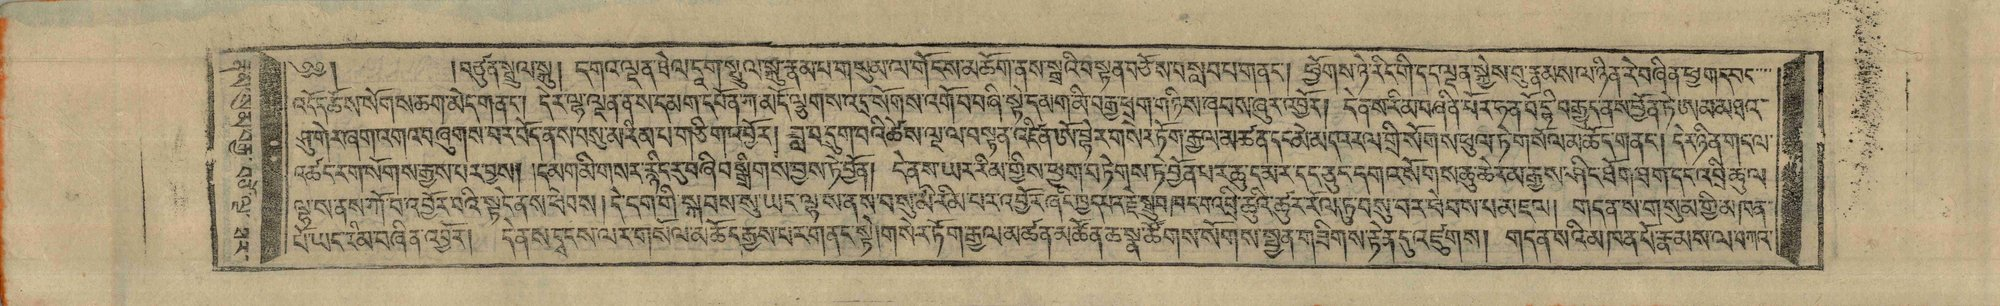༄༅། །བཙུན་སྤྲུལ་སྐུ། དགའ་ལྡན་ཐེལ་དཱག་སྤྲུལ་སྐུ་རྣམ་པ་གསུམ་ལ་གོང་ས་མཆོག་ནས་སྒྲའི་བསྟན་བཅོས་བསླབ་པ་གནང་། ཕྱོགས་ཉེ་རིང་གི་དད་ལྡན་སྐྱེས་བུ་རྣམས་ལ་ཉིན་རེ་བཞིན་ཕྱག་དབང་
འདོད་ཆོས་སོགས་ཆག་མེད་གནང་། དེར་ལྷ་ལྡན་ནས་དམག་དཔོན་ཀ་མདོ་ལྕགས་འདྲ་སོགས་འགོ་བ་བཞི་སྟེ་དམག་མི་བརྒྱ་ཕྲག་གཉིས་ཞབས་ཞུར་འབྱོར། དེ་ནས་རིམ་བཞིན་པོར་ཧན་བོ་དྷི་བརྒྱུད་ནས་བྱོན་ཏེ་ཨམ་མཐའ་
ཤུ་གེར་ཞག་འགའ་བཞུགས་པར་བོད་ནས་བསུ་མ་རིམ་པ་གཅིག་འབྱོར། ཟླ་བ་དྲུག་བའི་ཚེས་ལྔ་ལ་བསྟན་འཛིན་ཨོ་བྷེར་གསེར་ཏོག་རྒྱལ་མཚན་དང་མེ་མདའ་རལ་གྲི་སོགས་ཕུལ་ཏེ་གསོལ་མཆོད་གནང་། དེར་ཉིན་གང་ལ་
འཚང་རག་སོགས་རྒྱས་པར་བྱས། །དམག་མི་གསར་རྙིང་རུ་བཞི་བསྒྲིགས་བྱས་ཏེ་བྱོན། དེ་ནས་ཡར་རིམ་གྱིས་ཕྱག་བཏེགས་ཏེ་བྱོན་པར་ཆུ་དམར་དང་ཅུང་དགའ་སོགས་ཆུ་ཆེར་མ་རྒྱས་ཤིང་ཐོག་ཐག་དང་འབྲི་ཆུ་ལ་
ལྷ་ས་ནས་ཀོ་བ་འབྱོར་བའི་སྟེང་ནས་ཕེབས། དེ་དག་གི་སྐབས་སུ་ཡང་ལྷ་ས་ནས་བསུ་མི་རིམ་པར་འབྱོར་ཞིང་ཁྱད་པར་རྗེ་སྒྲུབ་ཁང་བ་འབྲི་ཆུའི་ཚུར་རོལ་ཏུ་བསུ་བར་ཕེབས་པ་མཇལ། གདན་ས་གསུམ་གྱི་མཁན་
པོ་ཡང་རིམ་བཞིན་འབྱོར། དེ་ནས་དྭངས་ལར་གསོལ་མཆོད་རྒྱས་པར་གནང་སྟེ། གསེར་ཏོག་རྒྱལ་མཚན་མཚོན་ཆ་སྣ་ཚོགས་སོགས་སྤྱན་གཟིགས་རྟེན་དུ་འཛུགས། གདན་སའི་མཁན་པོ་རྣམས་ལ་བཀའ་